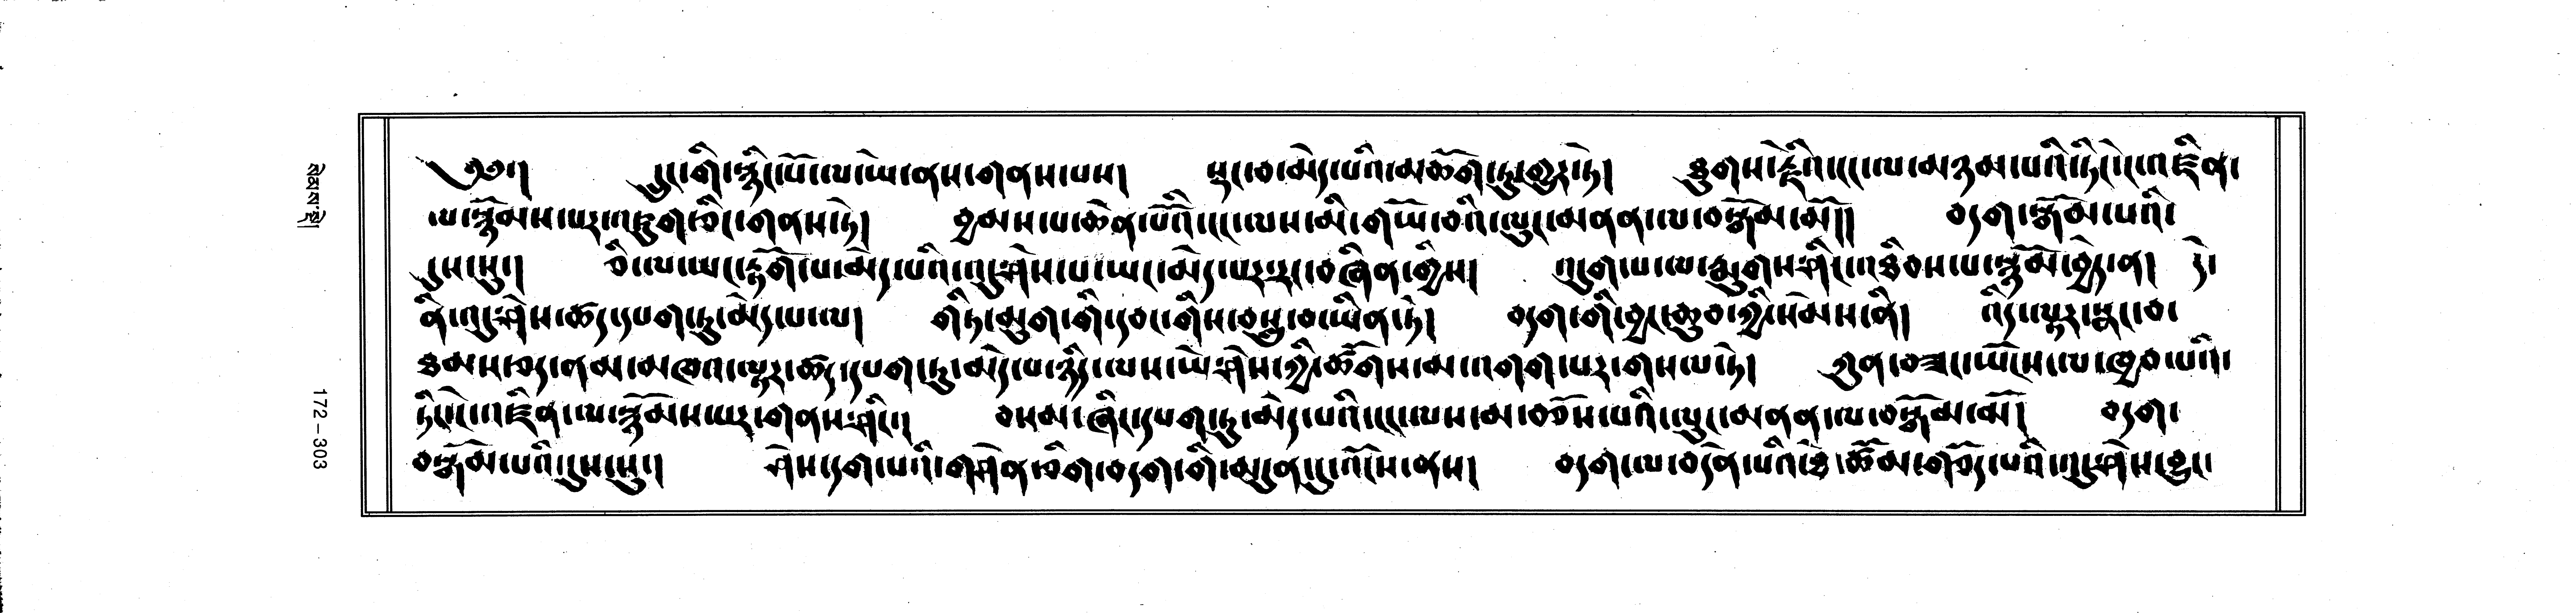དྲུང་གི་སྙིང་པོ་ལ་ཡེ་ནས་གནས་པས། སྡང་བ་མེད་པའི་མཆོག་ཏུ་གྱུར་ཏེ། ཐུགས་རྗེའི་ངང་ལ་མཉམ་པའི་ཏིང་ངེ་འཛིན་
ལ་སྙོམས་པར་འཇུག་ཅིང་གནས་ཏེ། བྱམས་པ་ཆེན་པོའི་ངང་ལས་མི་གཡོ་བའི་ལུང་མནན་ལ་བསྒོམ་མོ། བདག་སྒོམ་པའི་
དུས་སུ། ཅི་ལ་ཡང་རྟོགས་པ་མེད་པའི་འདུ་ཤེས་པ་ཡང་མེད་པར་རང་བཞིན་གྱིས། འདུག་པ་ལ་རྨུགས་ཤིང་འཐིབས་པ་སྙོམ་བྱེད་ན། དེ་
ནི་འདུ་ཤེས་ཚད་དཔག་ཏུ་མེད་པ་ལ། གཏི་མུག་གི་དབང་གིས་བསླུ་བ་ཡིན་ཏེ། བདག་གི་བྱང་ཆུབ་ཀྱིས་སེམས་ནི། འདི་ལྟར་སྣང་བ་
ཐམས་ཅད་ནམ་མཁའ་ལྟར་ཚད་དཔག་ཏུ་མེད་པ་ཉིད་ལས་ཡེ་ཤེས་ཀྱི་ཚོགས་མ་འགག་པར་གསལ་ཏེ། ཀུན་བཟང་ཡོངས་ལ་ཁྱབ་པའི་
ཏིང་ངེ་འཛིན་ལ་སྙོམས་པར་གནས་ཤིང་། བསམ་ཞིང་དཔག་ཏུ་མེད་པའི་ངང་ལས་མ་བཅོས་པའི་ལུང་མནན་ལ་བསྒོམ་མོ། བདག་
བསྒོམ་པའི་དུས་སུ། ཤེས་དག་པའི་གཤེན་ཅིག་བདག་གི་མདུན་དུ་འོངས་ནས། བདག་ལ་བདེན་པའི་ཐེ་ཚོམ་གཅོད་པའི་འདུ་ཤེས་བྱུང་